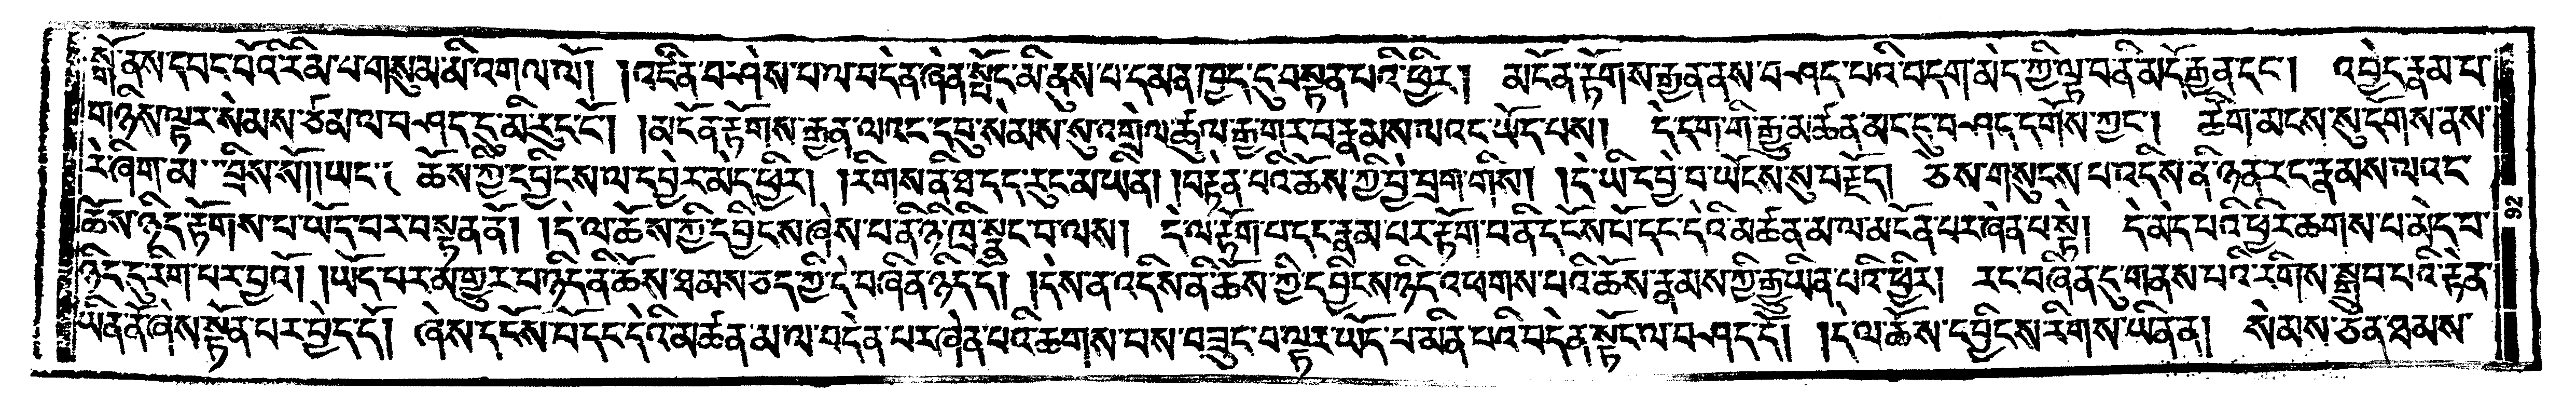སྒོ་ནས་དབང་པོའི་རིམ་པ་གསུམ་མི་འགལ་ལོ། །འཛིན་པ་ཤེས་པ་ལ་བདེན་ཞེན་སྤོང་མི་ནུས་པ་དམན་ཁྱད་དུ་བསྟན་པའི་ཕྱིར། མངོན་རྟོགས་རྒྱན་ནས་བཤད་པའི་བདག་མེད་ཀྱི་ལྟ་བ་ནི་མདོ་རྒྱན་དང་། འབྱེད་རྣམ་པ་
གཉིས་ལྟར་སེམས་ཙམ་ལ་བཤད་དུ་མི་རུང་ངོ། །མངོན་རྟོགས་རྒྱན་ལའང་དབུ་སེམས་སུ་འགྲེལ་ཚུལ་རྒྱ་གར་བ་རྣམས་ལའང་ཡོད་པས། དེ་དག་གི་རྒྱུ་མཚན་མང་དུ་བཤད་དགོས་ཀྱང་། ཚིག་མངས་སུ་དོགས་ནས་
རེ་ཞིག་མ་བྲིས་སོ། །ཡང༑ ཆོས་ཀྱི་དབྱིངས་ལ་དབྱེར་མེད་ཕྱིར། །རིགས་ནི་ཐ་དད་རུང་མ་ཡིན། །བརྟེན་པའི་ཆོས་ཀྱི་བྱེ་བྲག་གིས། །དེ་ཡི་དབྱེ་བ་ཡོངས་སུ་བརྗོད། ཅེས་གསུངས་པ་འདིས་ནི་ཉན་རང་རྣམས་ལའང་
ཆོས་ཉིད་རྟོགས་པ་ཡོད་པར་བསྟན་ནོ། །དེ་ལ་ཆོས་ཀྱི་དབྱིངས་ཞེས་པ་ནི་ཉི་ཁྲི་སྣང་བ་ལས། དེ་ལ་རྟོག་པ་དང་རྣམ་པར་རྟོག་པ་ནི་དངོས་པོ་དང་དེའི་མཚན་མ་ལ་མངོན་པར་ཞེན་པ་སྟེ། དེ་མེད་པའི་ཕྱིར་ཆགས་པ་མེད་པ་
ཉིད་དུ་རིག་པར་བྱའོ། །ཡོད་པར་མ་གྱུར་པ་ཉིད་ནི་ཆོས་ཐམས་ཅད་ཀྱི་དེ་བཞིན་ཉིད་དོ། །དེས་ན་འདིས་ནི་ཆོས་ཀྱི་དབྱིངས་ཉིད་འཕགས་པའི་ཆོས་རྣམས་ཀྱི་རྒྱུ་ཡིན་པའི་ཕྱིར། །རང་བཞིན་དུ་གནས་པའི་རིགས་སྒྲུབ་པའི་རྟེན་
ཡིན་ནོ་ཞེས་སྟོན་པར་བྱེད་དོ། ཞེས་དངོས་པོ་དང་དེའི་མཚན་མ་ལ་བདེན་པར་ཞེན་པའི་ཆགས་པས་བཟུང་བ་ལྟར་ཡོད་པ་མིན་པའི་བདེན་སྟོང་ལ་བཤད་དོ། །དེ་ལ་ཆོས་དབྱིངས་རིགས་ཡིན་ན། སེམས་ཅན་ཐམས་